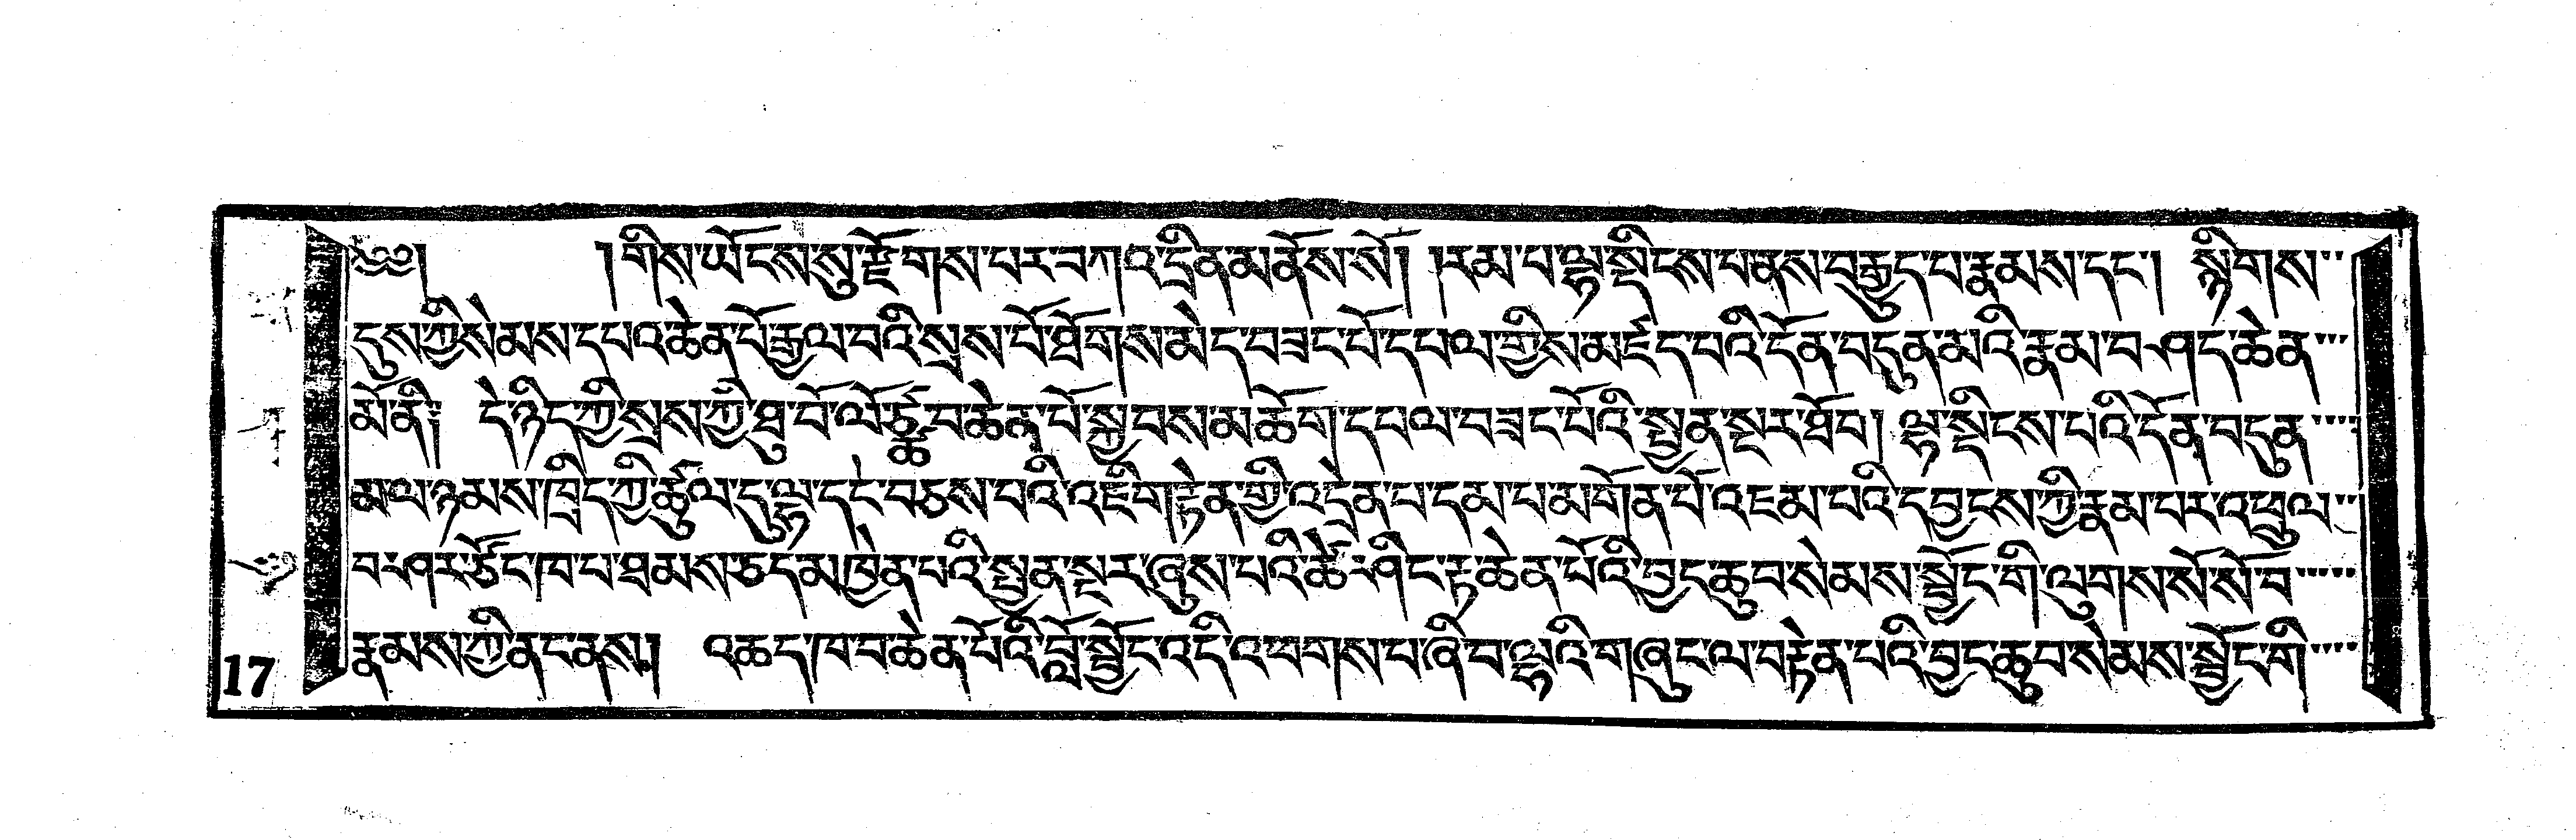༄༅། །གིས་ཡོངས་སུ་རྫོགས་པར་བཀའ་དྲིན་མནོས་སོ། །རམ་པ་ལྷ་སྡིངས་པ་ནས་བརྒྱུད་པ་རྣམས་དང་། སྙིགས་
དུས་ཀྱི་སེམས་དཔའ་ཆེན་པོ་རྒྱལ་བའི་སྲས་པོ་ཐོགས་མེད་བཟང་པོ་དཔལ་གྱིས་མཛད་པའི་དོན་བདུན་མའི་རྣམ་བཤད་ཆེན་
མོ་ནི༑ དེ་ཉིད་ཀྱི་སྲས་ཀྱི་ཐུ་བོ་ལོ་ཙྪ་བ་ཆེན་པོ་སྐྱབས་མཆོག་དཔལ་བཟང་པོའི་སྤྱན་སྔར་ཐོབ། ལྷ་སྡིངས་པའི་དོན་བདུན་
མ་ལ་ཉམས་ཁྲིད་ཀྱི་ཚུལ་དུ་ལྷ་དང་བཅས་པའི་འཇིག་རྟེན་གྱི་འདྲེན་པ་དམ་པ་མགོན་པོ་འཇམ་པའི་དབྱངས་ཀྱི་རྣམ་པར་འཕྲུལ་
བ་ཤར་ཙོང་ཁ་པ་ཐམས་ཅད་མཁྱེན་པའི་སྤྱན་སྔར་ཞུས་པའི་ཚེ་ཤིང་རྟ་ཆེན་པོའི་བྱང་ཆུབ་སེམས་སྦྱོང་གི་ལུགས་སོ་སོ་བ་
རྣམས་ཀྱི་ནང་ནས། འཆད་ཁ་བ་ཆེན་པོའི་བློ་སྦྱོང་འདི་འཕགས་པ་ཞི་བ་ལྷའི་གཞུང་ལ་བརྟེན་པའི་བྱང་ཆུབ་སེམས་སྦྱོང་གི་